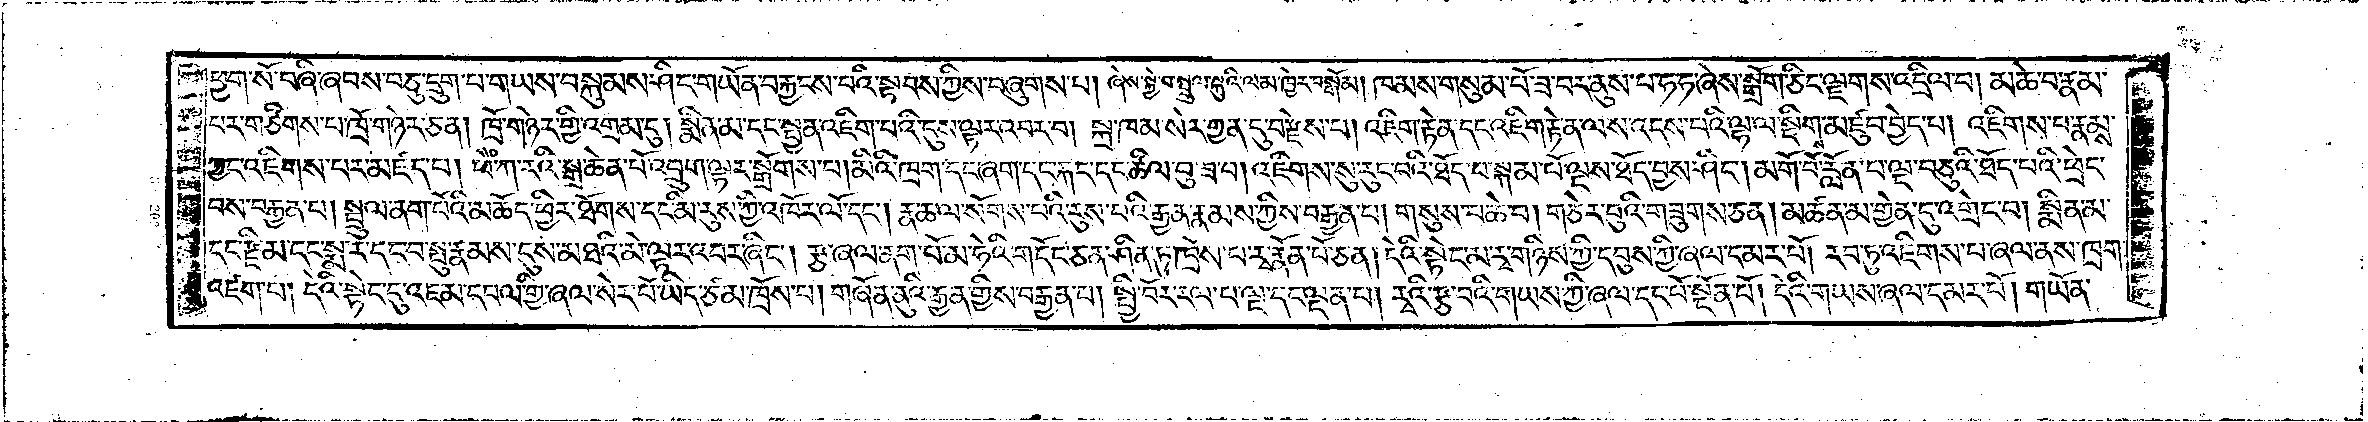ཕྱག་སོ་བཞི་ཞབས་བཅུ་དྲུག་པ་གཡས་བསྐུམས་ཤིང་གཡོན་བརྐྱངས་པའི་སྟབས་ཀྱིས་བཞུགས་པ། ཞེས་སྐྱེ་བ་སྤྲུལ་སྐུའི་ལམ་ཁྱེར་བསྒོམ།  ཁམས་གསུམ་པོ་ཟ་བར་ནུས་པ་ཧ་ཧ་ཞེས་སྒྲོག་ཅིང་ལྗགས་འདྲིལ་བ། མཆེ་བ་རྣམ་
པར་གཙིགས་པ་ཁྲོ་གཉེར་ཅན། ཁྲོ་གཉེར་གྱི་འགྲམ་དུ། སྨིན་མ་དང་སྤྱན་འཇིག་པའི་དུས་ལྟར་འབར་བ། སྐྲ་ཁམ་སེར་གྱན་དུ་བརྫེས་པ། འཇིག་རྟེན་དང་འཇིག་རྟེན་ལས་འདས་པའི་ལྷ་ལ་སྡིག་མཛུབ་བྱེད་པ། འཇིགས་པ་རྣམས་
ཀྱང་འཇིགས་པར་མཛད་པ། ཕཻཾ་ཀ་རའི་སྒྲ་ཆེན་པོ་འབྲུག་ལྟར་སྒྲོགས་པ། མིའི་ཁྲག་དང་ཞག་དང་རྐང་དང་ཚིལ་བུ་ཟ་བ། འཇིགས་སུ་རུང་བའི་ཐོད་པ་སྐམ་པོ་ལྔས་ཐོད་བྱས་ཤིང་། མགོ་པོ་རློན་པ་ལྔ་བཅུའི་ཐོད་པའི་ཕྲེང་
བས་བརྒྱན་པ། སྦྲུལ་ནག་པོའི་མཆོད་ཕྱིར་ཐོགས་དང་མི་རུས་ཀྱི་འཁོར་ལོ་དང་། རྣ་ཆ་ལ་སོགས་པའི་རུས་པའི་རྒྱན་རྣམས་ཀྱིས་བརྒྱན་པ། གསུས་པ་ཆེ་བ། གཅེར་བུའི་གཟུགས་ཅན། མཚན་མ་གྱེན་དུ་འགྲེང་བ། སྨིན་མ་
དང་རྫིམ་དང་སྨར་དང་བ་སྤུ་རྣམས་དུས་མཐའི་མེ་ལྟར་འབར་ཞིང་། རྩ་ཞལ་ནག་པོ་མ་ཧེའི་གདོང་ཅན་ཤིན་ཏུ་ཁྲོས་པ་རྭ་རྣོན་པོ་ཅན། དེའི་སྟེང་མ་རྭ་གཉིས་ཀྱི་དབུས་ཀྱི་ཞལ་དམར་པོ། རབ་ཏུ་འཇིགས་པ་ཞལ་ནས་ཁྲག་
འཛག་པ། དེའི་སྟེང་དུ་འཇམ་དཔལ་གྱི་ཞལ་སེར་པོ་ཡིད་ཙམ་ཁྲོས་པ། གཞོན་ནུའི་རྒྱན་གྱིས་བརྒྱན་པ། སྤྱི་བོར་རལ་པ་ལྔ་དང་ལྡན་པ། རྭའི་རྩ་བའི་གཡས་ཀྱི་ཞལ་དང་པོ་སྔོན་པོ། དེའི་གཡས་ཞལ་དམར་པོ། གཡོན་